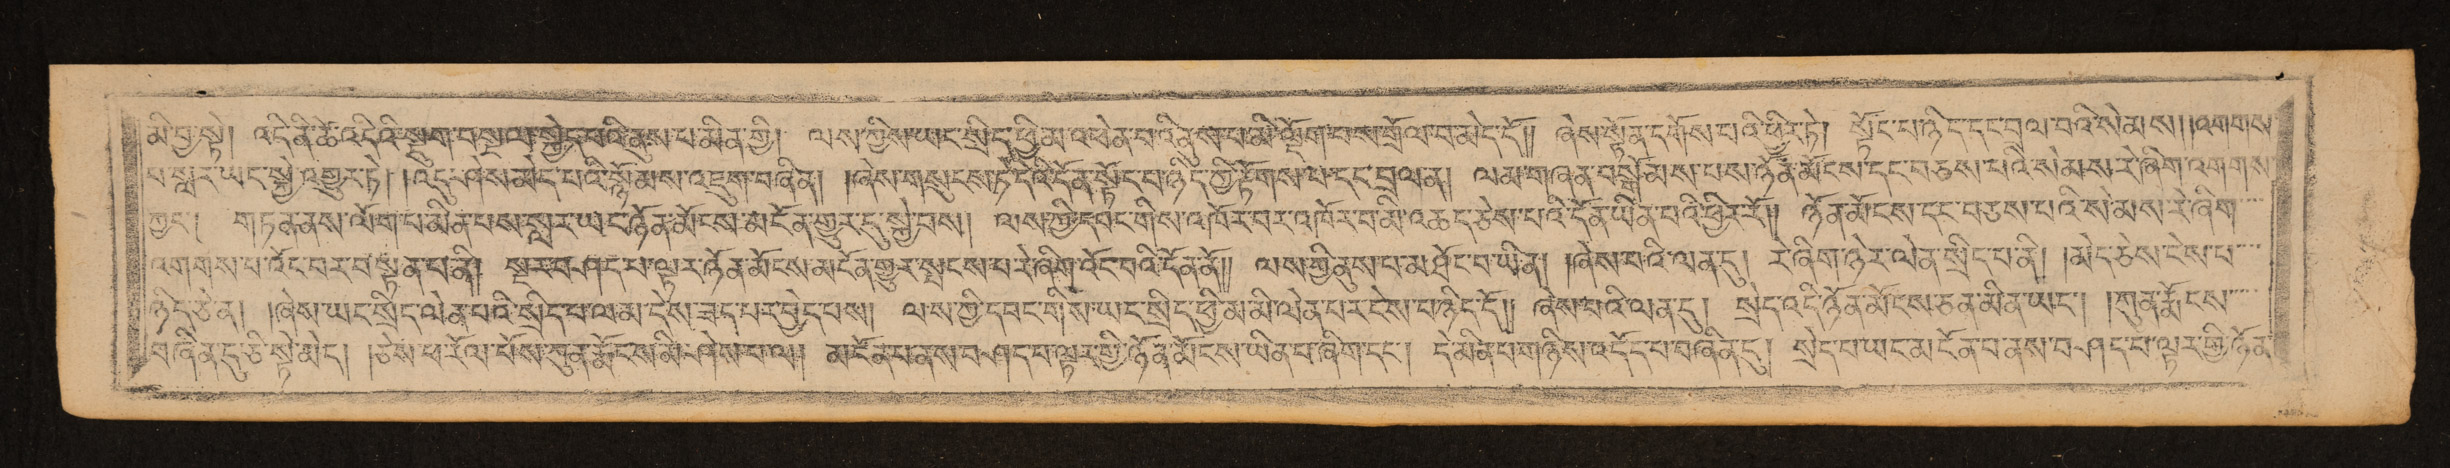མི་བྱ་སྟེ། འདི་ནི་ཚེ་འདིའི་སྡུག་བསྔལ་སྐྱེད་པའི་ནུས་པ་མིན་གྱི། ལས་ཀྱིས་ཡང་སྲིད་ཕྱི་མ་འཕེན་པའི་ནུས་པ་མི་ལྡོག་པས་གྲོལ་བ་མེད་དོ།། ཞེས་སྟོན་དགོས་པའི་ཕྱིར་ཏེ། སྟོང་པ་ཉིད་དང་བྲལ་བའི་སེམས། །འགགས་
པ་སླར་ཡང་སྐྱེ་འགྱུར་ཏེ། །འདུ་ཤེས་མེད་པའི་སྙོམས་འཇུག་བཞིན། །ཞེས་གསུངས་ཏེ་དེའི་དོན་སྟོང་པ་ཉིད་ཀྱི་རྟོགས་པ་དང་བྲལ་ན། ལམ་གཞན་བསྒོམས་པས་ཉོན་མོངས་དང་བཅས་པའི་སེམས་རེ་ཞིག་འགགས་
ཀྱང་། གཏན་ནས་ལོག་པ་མིན་པས་སླར་ཡང་ཉོན་མོངས་མངོན་གྱུར་དུ་སྐྱེ་བས། ལས་ཀྱི་དབང་གིས་འཁོར་བར་འཁོར་བ་མི་ཆད་ཅེས་པའི་དོན་ཡིན་པའི་ཕྱིར་རོ།། ཉོན་མོངས་དང་བཅས་པའི་སེམས་རེ་ཞིག་
འགགས་པ་འོང་བར་བསྟན་པ་ནི། སྔར་བཤད་པ་ལྟར་ཉོན་མོངས་མངོན་གྱུར་སྤངས་པ་རེ་ཞིག་འོང་བའི་དོན་ནོ།། ལས་ཀྱི་ནུས་པ་མཐོང་བ་ཡིན། །ཞེས་པའི་ལན་དུ། རེ་ཞིག་ཉེར་ལེན་སྲེད་པ་ནི། །མེད་ཅེས་ངེས་པ་
ཉིད་ཅེ་ན། །ཞེས་ཡང་སྲིད་ལེན་པའི་སྲིད་པ་ལམ་དེས་ཟད་པར་བྱེད་པས། ལས་ཀྱི་དབང་གིས་ཡང་སྲིད་ཕྱི་མ་མི་ལེན་པར་ངེས་པ་ཉིད་དོ།། ཞེས་པའི་ལན་དུ། སྲེད་འདི་ཉོན་མོངས་ཅན་མིན་ཡང་། །ཀུན་རྨོངས་
བཞིན་དུ་ཅི་སྟེ་མེད། །ཅེས་ཕ་རོལ་པོས་ཀུན་རྨོངས་མི་ཤེས་པ་ལ། མངོན་པ་ནས་བཤད་པ་ལྟར་གྱི་ཉོན་མོངས་ཡིན་པ་ཞིག་དང་། དེ་མིན་པ་གཉིས་འདོད་པ་བཞིན་དུ། སྲེད་པ་ཡང་མངོན་པ་ནས་བཤད་པ་ལྟར་གྱི་ཉོན་